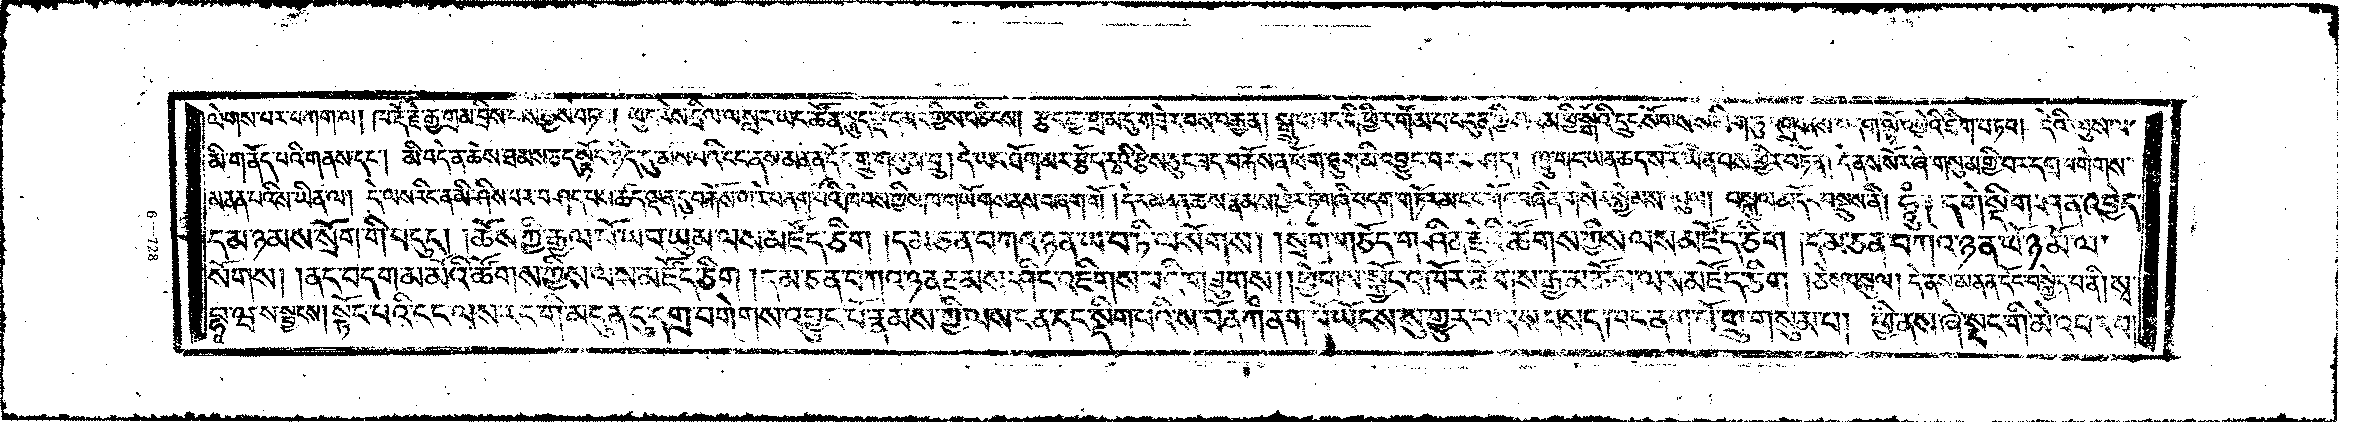ལེགས་པར་བཀག་ལ། ཁ་རྡོ་རྗེ་རྒྱ་གྲམ་བྲིས་པས་རྒྱས་བཏབ། ཕུང་རེས་དྲིལ་ལ་སླར་ཡང་ཚོན་སྐུད་སྔོ་དམར་གྱིས་བཅིངས། རྩང་རྒྱ་གྲམ་དུ་གཟེར་བས་བརྒྱན། སྒྲུབ་ཁང་གི་ཕྱིར་གོམ་པ་བདུན་གྱི་སའམ་ཕྱི་སྒོའི་དྲུང་སོགས་ས་མིག་ཏུ་འགྲུབ་ནས་བདག་ལྟོ་འཕྱེའི་ཐིག་བཏབ། དེའི་ལུས་ལ་
མི་གནོད་པའི་གནས་དང་། མི་བདེན་ཆེས་ཐམས་ཅད་སྟོང་ཉིད་དུ་མེས་པའི་ངང་ནས་མནན་དོང་གྲུ་གསུམ་བྲུ། དེ་ཡང་ཐོག་མར་རྩོད་རྭའི་རྩེས་ཅུང་ཟད་བརྐོས་ན་ཕོག་ཐུག་མི་འབྱུང་བར་བཤད། ཁྲུ་གང་ཡན་ཆད་ས་རོ་ཡིན་པས་ཕྱིར་བཏོན། དེ་ནས་སོར་ཞེ་གསུམ་གྱི་བར་དགྲ་བགེགས་
མནན་པའི་ས་ཡིན་ལ། དེ་ལས་རིང་ན་མི་ཤིས་པར་བཤད་པས་ཚད་ལྡན་དུ་བརྐོས་ལ་རེ་བ་ནག་པོའི་ཁེབས་ཀྱིས་ཁ་གཡོགས་ནས་བཞག་གོ །དེར་མནན་ཆས་རྣམས་ཁྱེར་ཏེ་གཞི་བདག་གཏོར་མ་དང་གོང་བཞིན་གསེར་སྐྱེམས་འབུལ། བསྐུལ་མདོར་བསྡུས་ནི། ཧཱུཾ༑ དགེ་སྡིག་ཤན་འབྱེད་
དམ་ཉམས་སྲོག་གི་བདུད། །ཆོས་ཀྱི་རྒྱལ་པོ་ཡབ་ཡུམ་ལས་མཛོད་ཅིག །དམ་ཅན་བཀའ་ཉན་ཡ་བ་ཏི་ལ་སོགས། །སྲོག་གཅོད་གཤིན་རྗེའི་ཚོགས་ཀྱིས་ལས་མཛོད་ཅིག །དམ་ཅན་བཀའ་ཉན་ཕོ་ཉ་མོ་ལ་
སོགས། །ནང་བདག་མ་མོའི་ཚོགས་ཀྱིས་ལས་མཛད་ཅིག །དམ་ཅན་བཀའ་ཉན་རྔམས་ཤིང་འཇིགས་པའི་གཟུགས། །ཕྱོགས་སྐྱོང་འཁོར་ཚོགས་རྒྱ་མཚོས་ལས་མཛོད་ཅིག །ཅེས་བསྐུལ། དེ་ནས་མནན་དོང་བསྐྱེད་པ་ནི། སྭ་
བྷཱ་ཝ་ས་སྦྱངས། སྟོང་པའི་ངང་ལས་རང་གི་མདུན་དུ་དགྲ་བགེགས་འབྱུང་པོ་རྣམས་ཀྱི་ལས་ངན་དང་སྡིག་པའི་ས་བོན་ཀཾ་ནག་པོ་ཡོངས་སུ་གྱུར་པ་ལས་བསད་ཁང་ནག་པོ་གྲུ་གསུམ་པ། ཕྱི་ནས་ཞེ་སྡན་གི་མེ་འབར་བ།